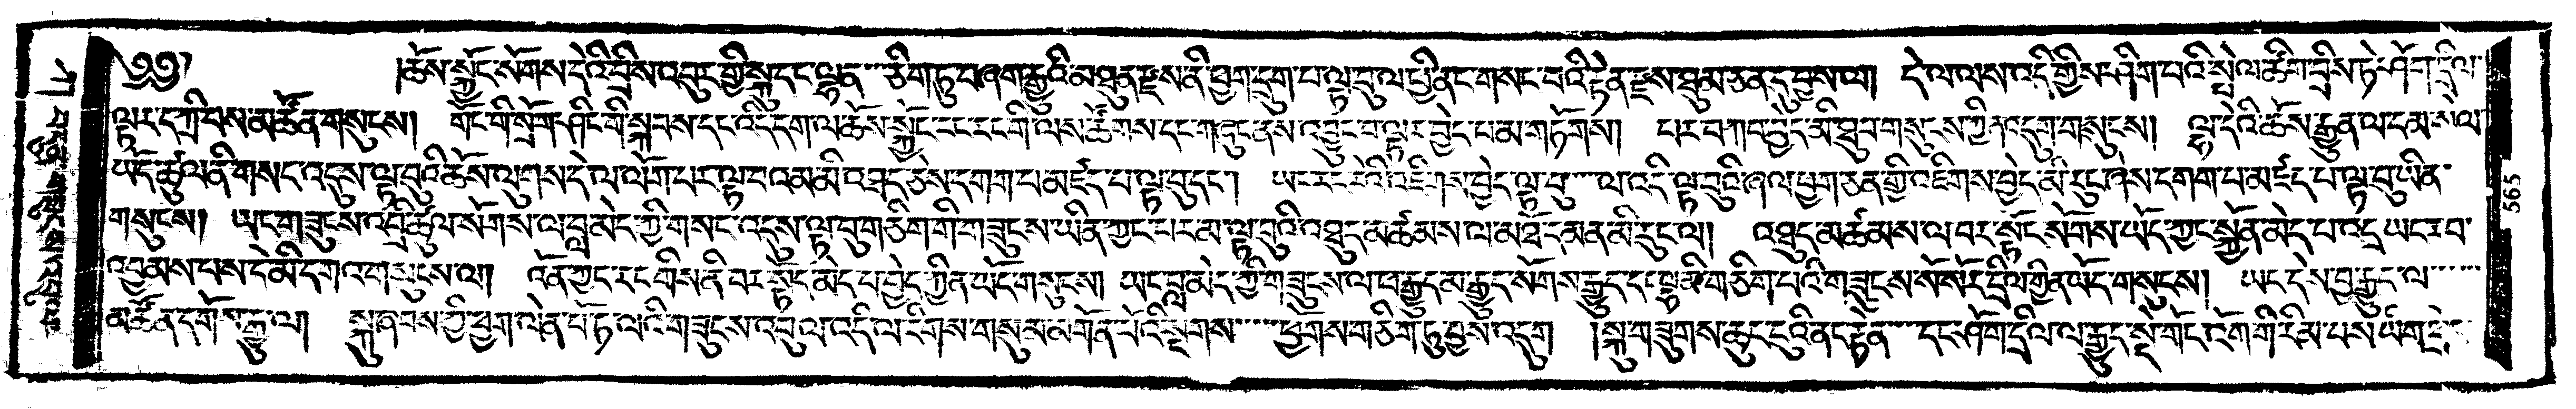༄༅། །ཆོས་སྐྱོང་སོགས་དེའི་བྲིས་འབུང་གྱི་སྐུ་དང་ལྷན་ཅིག་ཏུ་བཞག་རྒྱུའི་མཐུན་རྫས་ནི་ཕྱག་དྲུག་པ་ལྟ་བུ་ལ་ཕྱི་ནང་གསང་བའི་རྟེན་རྫས་ཐུམ་ཅན་དུ་བྱས་ལ། དེ་ལ་ལས་འདི་གྱིས་ཤིག་པའི་སྤེལ་ཚེས་བྲིས་ཏེ་ཤོག་དྲིལ་
ལྟར་དཀྲི་བས་མཚོན་གསུངས། གོང་གི་སྲོག་ཤིང་གི་སྐབས་དང་འདི་དག་ལ་ཆོས་སྐྱོང་རང་རང་གི་ལས་ཚོགས་དང་གཞུང་ནས་འབྱུང་བ་ལྟར་བྱེད་པ་མ་གཏོགས། པར་བཀའ་བྱེད་མི་ཐུབ་གསུངས་ཀྱིན་འདུག་གསུངས། ལྷ་དེའི་ཆོས་རྒྱུན་ལ་དམ་སལ་
ཡོད་ཚུལ་ནི་གསང་འདུས་ལྟ་བུའི་ཆོས་ལུགས་དེ་ལ་ལོག་པར་ལྟ་བའམ་མི་འཐང་ཅེས་དགག་པ་མཛད་པ་ལྟ་བུ་དང་། ཡང་རང་རེའི་འཇིགས་བྱེད་ལྟ་བུ་ལ་འདི་ལྟ་བུའི་ཞལ་ཕྱག་ཅན་གྱི་འཇིགས་བྱེད་མི་རུང་ཞེས་དགས་པ་མཛད་པ་ལྟ་བུ་ཡིན་
གསུངས། ཡང་གཟུངས་འབྲི་ཚུལ་སོགས་ལ་བླ་མེད་ཀྱི་གསང་འདུས་ལྟ་བུ་གཅིག་གི་གཟུངས་ཡིན་ཀྱང་པར་མ་ལྟ་བུའི་འཐུད་མཚམས་ལ་མཐོད་མན་མི་རུང་ལ། འཐུད་མཚམས་ལ་བར་སྟོང་སོགས་ཡོང་ཀྱང་སྐྱོན་མེད་པ་འདྲ་ཡང་རབ་
འབྱམས་པས་དེ་མི་དགའ་གསུངས་ལ། འོན་ཀྱང་རང་གིས་ནི་བར་སྟོད་མེད་པ་བྱེད་ཀྱི་ཡོང་གསུངས། ཡང་བླ་མེད་ཀྱི་གཟུངས་ལ་བརྒྱུད་མ་རྒྱུད་སོགས་རྒྱུད་དང་བྷ་མི་གཅིག་པའི་གཟུངས་སོ་སོར་དྲིལ་གྱིན་ཡོད་གསུངས། ཡང་དེས་བྱ་རྒྱུད་ལ་
མཚོན་དགོས་རྒྱུ་ལ། སྐུ་ཞབས་ཀྱི་ཕྱག་ལེན་པོ་ཏ་ལའི་གཟུང་འབུལ་འདི་ལ་རིགས་གསུམ་མགོན་པོའི་སྔགས་ཕྱོགས་གཅིག་ཏུ་བྱས་འདུག །སྐུ་གཟུགས་ཆུང་དུའི་ནང་རྟེན་དང་ཤོག་དྲིལ་ལ་རྒྱུད་སྡེ་དོང་འོག་གི་རིམ་པས་ཡིག་དྲེས?